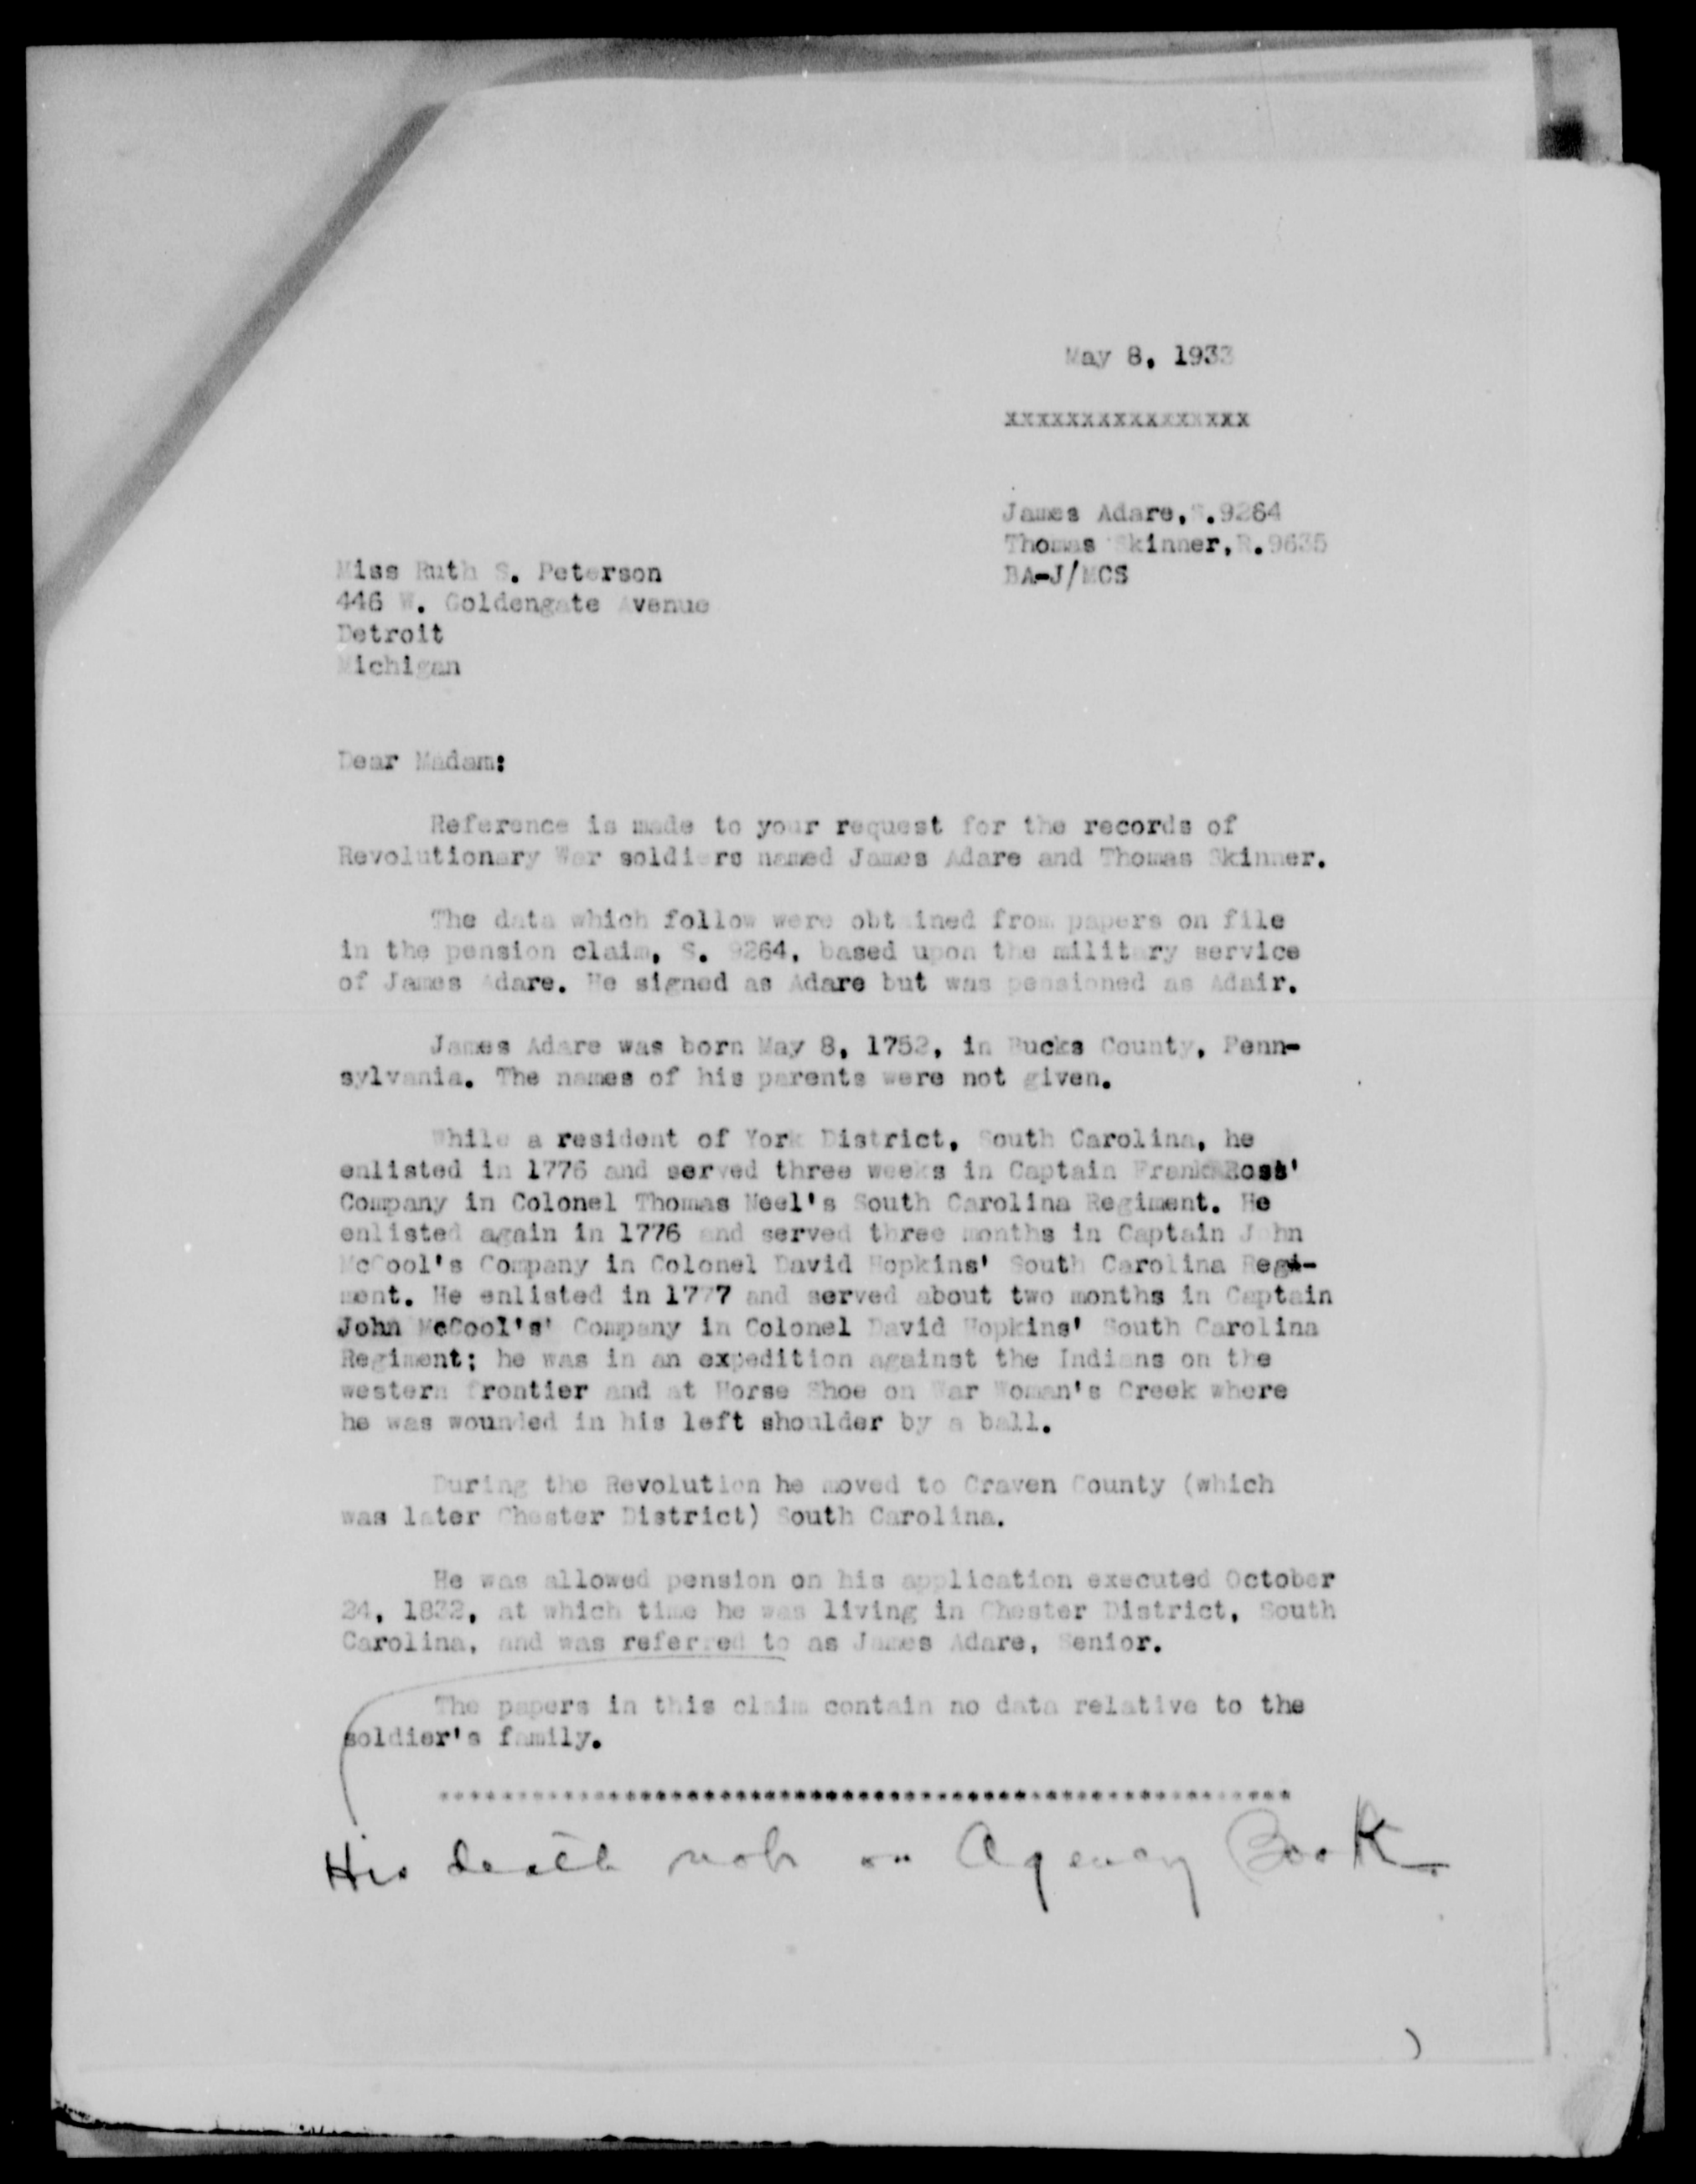#29
May 8, 1933
XXXXXXXXXXXXXXXX
James Adare, S.9264
Thomas Skinner,R.9635
BA-J/MCS


Miss Ruth S. Peterson
446 W. Goldengate Avenue
Detroit
Michigan

Dear Madam:
Reference is made to your request for the records of
Revolutionary War soldiers named James Adare and Thomas Skinner.

The data which follow were obtained from papers on file
in the pension claim, S. 9264, based upon the military service
of James Adare. He signed as Adare but was pensioned as Adair.

James Adare was born May 8, 1752, in Bucks County, Pennsylvania.
The names of his parents were not given.

While a resident of York District, South Carolina, he
enlisted in 1776 and served three weeks in Captain Frank Ross’
Company in Colonel Thomas Neel's South Carolina Regiment. He
enlisted again in 1776 and served three months in Captain John
McCool's Company in Colonel David Hopkins' South Carolina Regiment
. He enlisted in 1777 and served about two months in Captain
John McCool's Company in Colonel David Hopkins' South Carolina
Regiment; he was in an expedition against the Indians on the
western frontier and at Horse Shoe on War Woman's Creek where
he was wounded in his left shoulder by a ball.
During the Revolution he moved to Craven County (which
was later Chester District,) South Carolina.
He was allowed pension on his application executed October
24, 1832, at which time he was living in Chester District, South Carolina,
 and was referred to as James Adare, Senior.
his death not on Agency Book.

The papers in this claim contain no data relative to the soldier's family.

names: James Adare; Thomas Skinner; Ruth S Peterson; James Adare; Thomas Skinner; James Adare; James Adare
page: 29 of 33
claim: rejected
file: R. 9635, for Thomas Skinner, Delaware